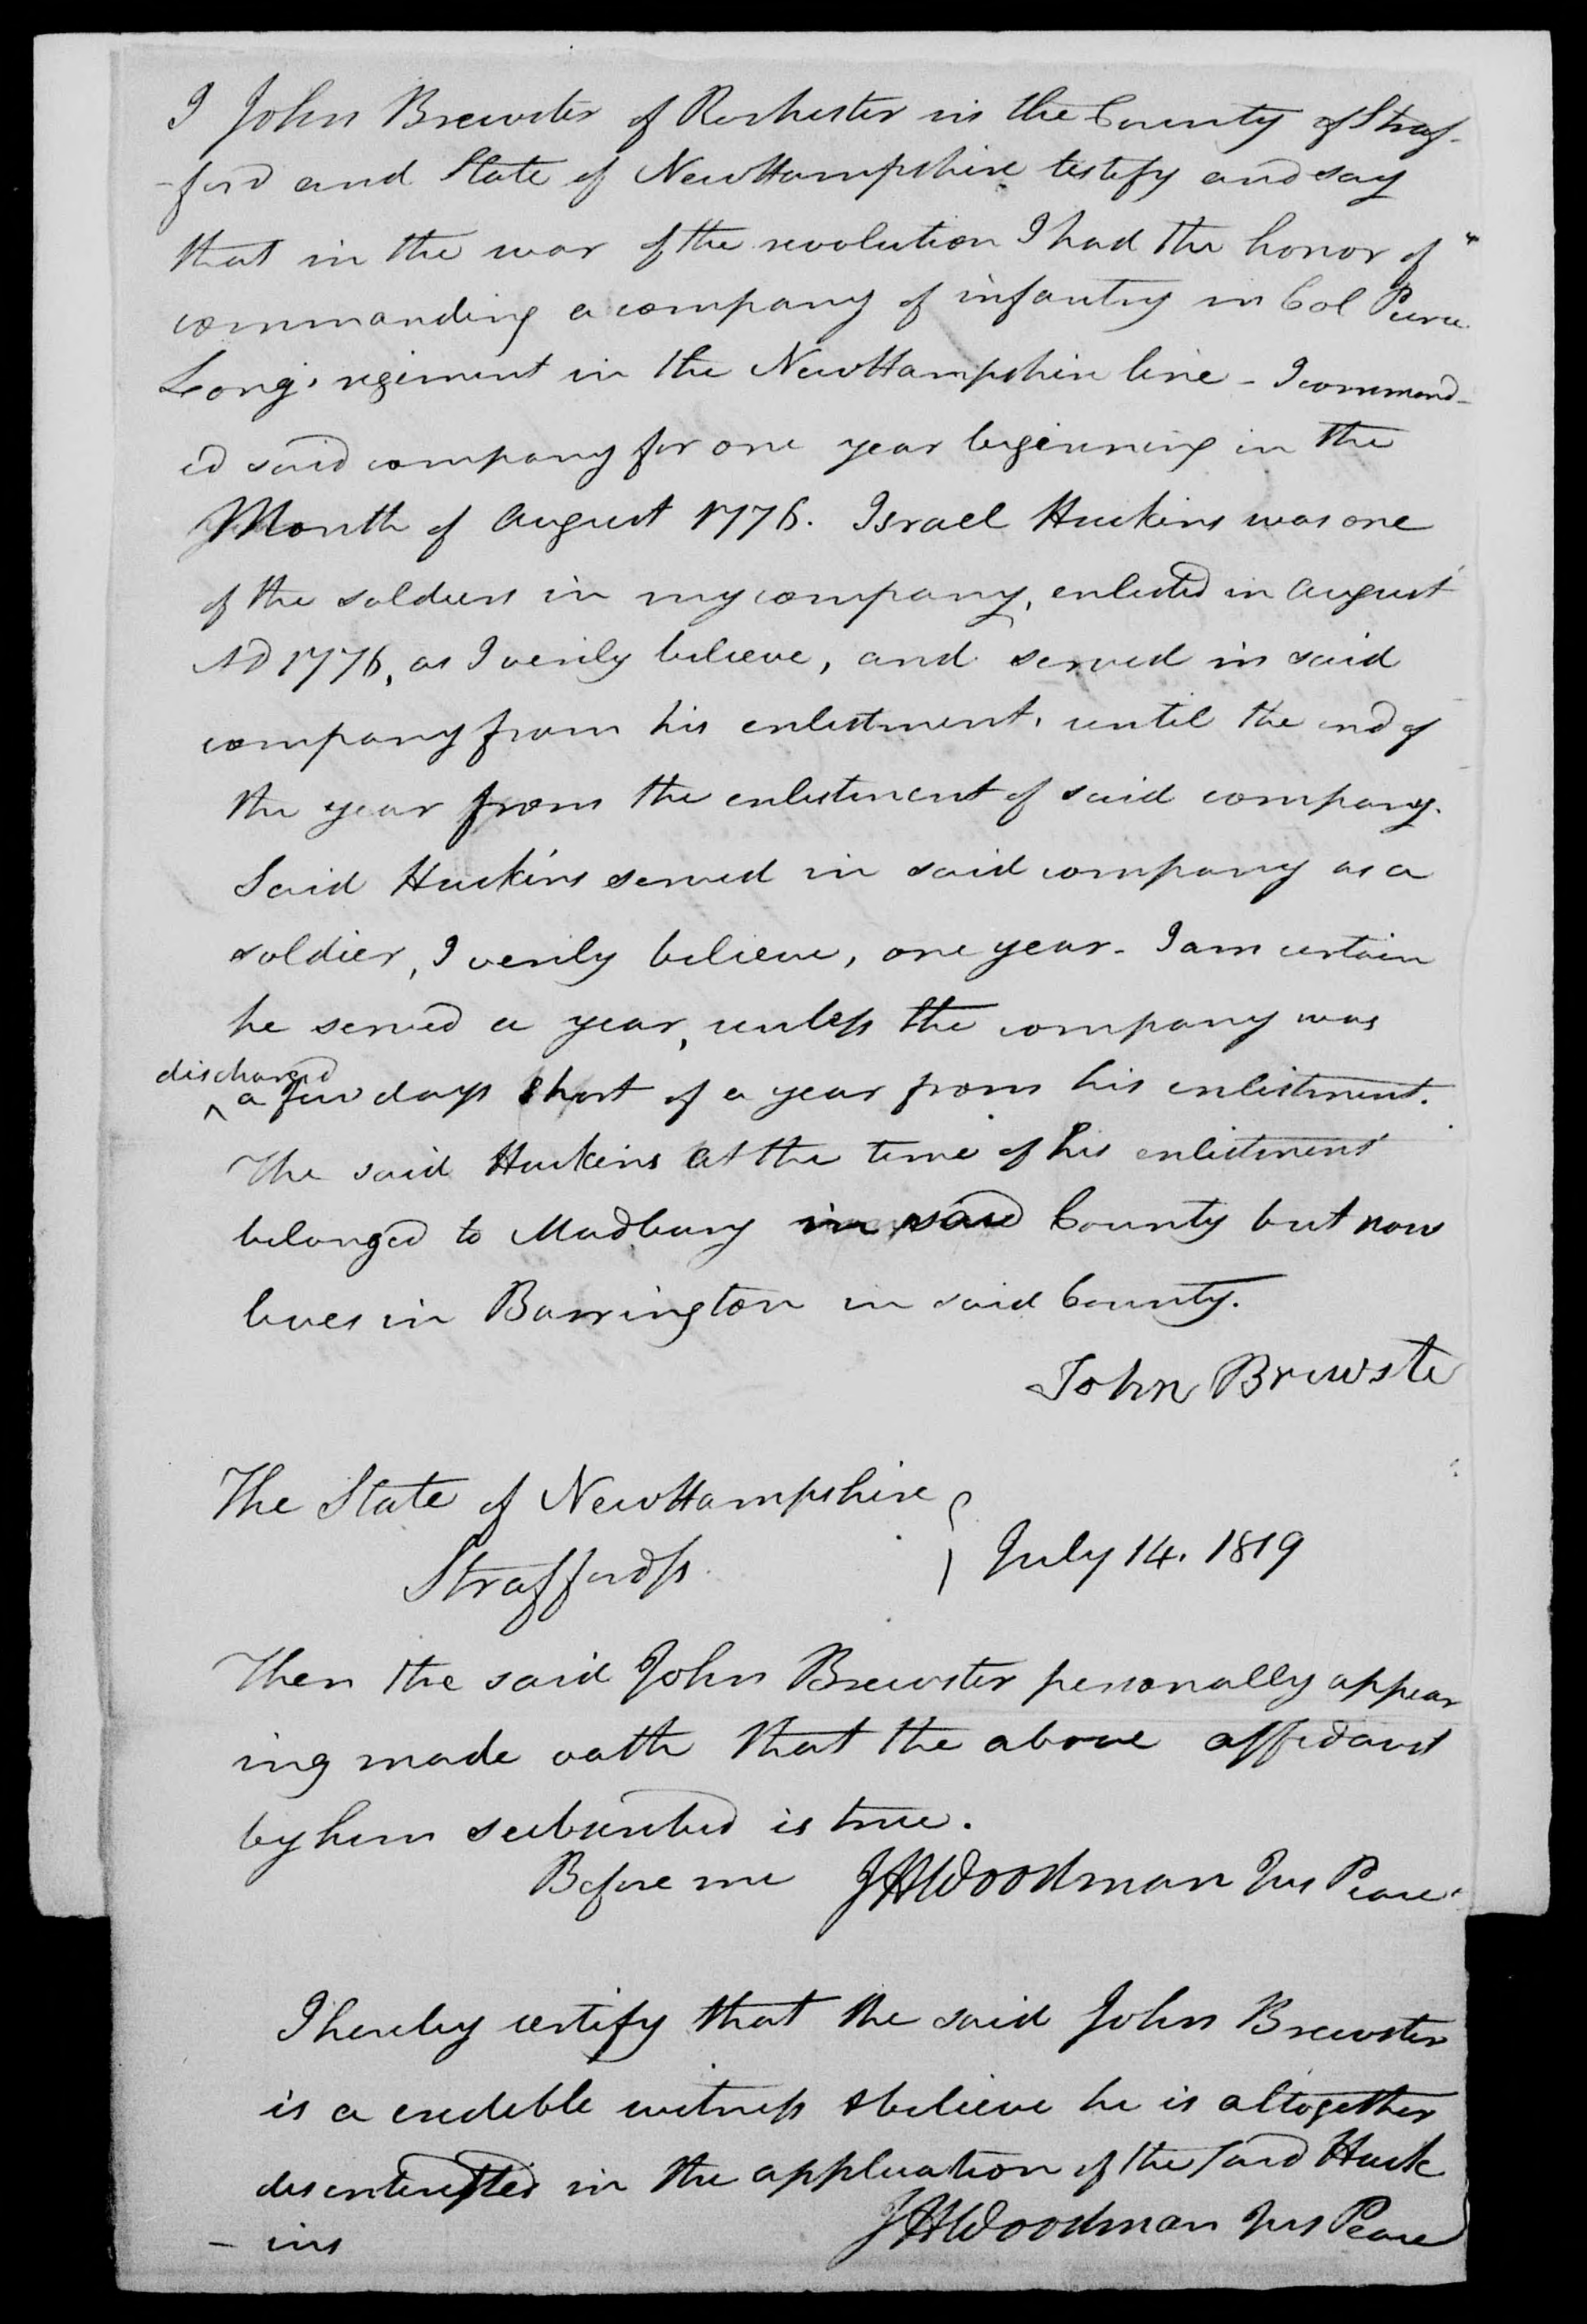I, John Brewster of Rochester in the County of Strafford and State of New Hampshire testify and say that in the war of the revolution I had the honor of commanding a company of infantry in Col. Long’s regiment in the New Hampshire line. I commanded said company for one year beginning in the month of August 1776. Israel Huckins was one of the soldiers in my company, enlisted in August A.D. 1776, as I verily believe, and served in said company from his enlistment until the end of the year from the enlistment of said company. Said Huckins served in said company as a soldier, I verily believe, one year. I am certain he served a year, unless the company was discharged a few days short of a year from his enlistment. The said Huckins at the time of his enlistment belonged to Madbury in said county but now lives in Barrington in said county.

John Brewster
The State of New Hampshire Strafford S.S. July 14, 1819

Then the said John Brewster personally appearing made an oath that the above affidavit by him subscribed is true.

Before me JH Woodman, Justice of the Peace
I hereby certify that the said John Brewster is a credible witness I believe he is altogether disinterested in the application of the said Huckins. 

JH Woodman Justice of the Peace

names: John Brewster, Israel Huckins, J H Woodman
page: 31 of 35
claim: widow's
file: W. 16127, Israel Huckins, N.H.